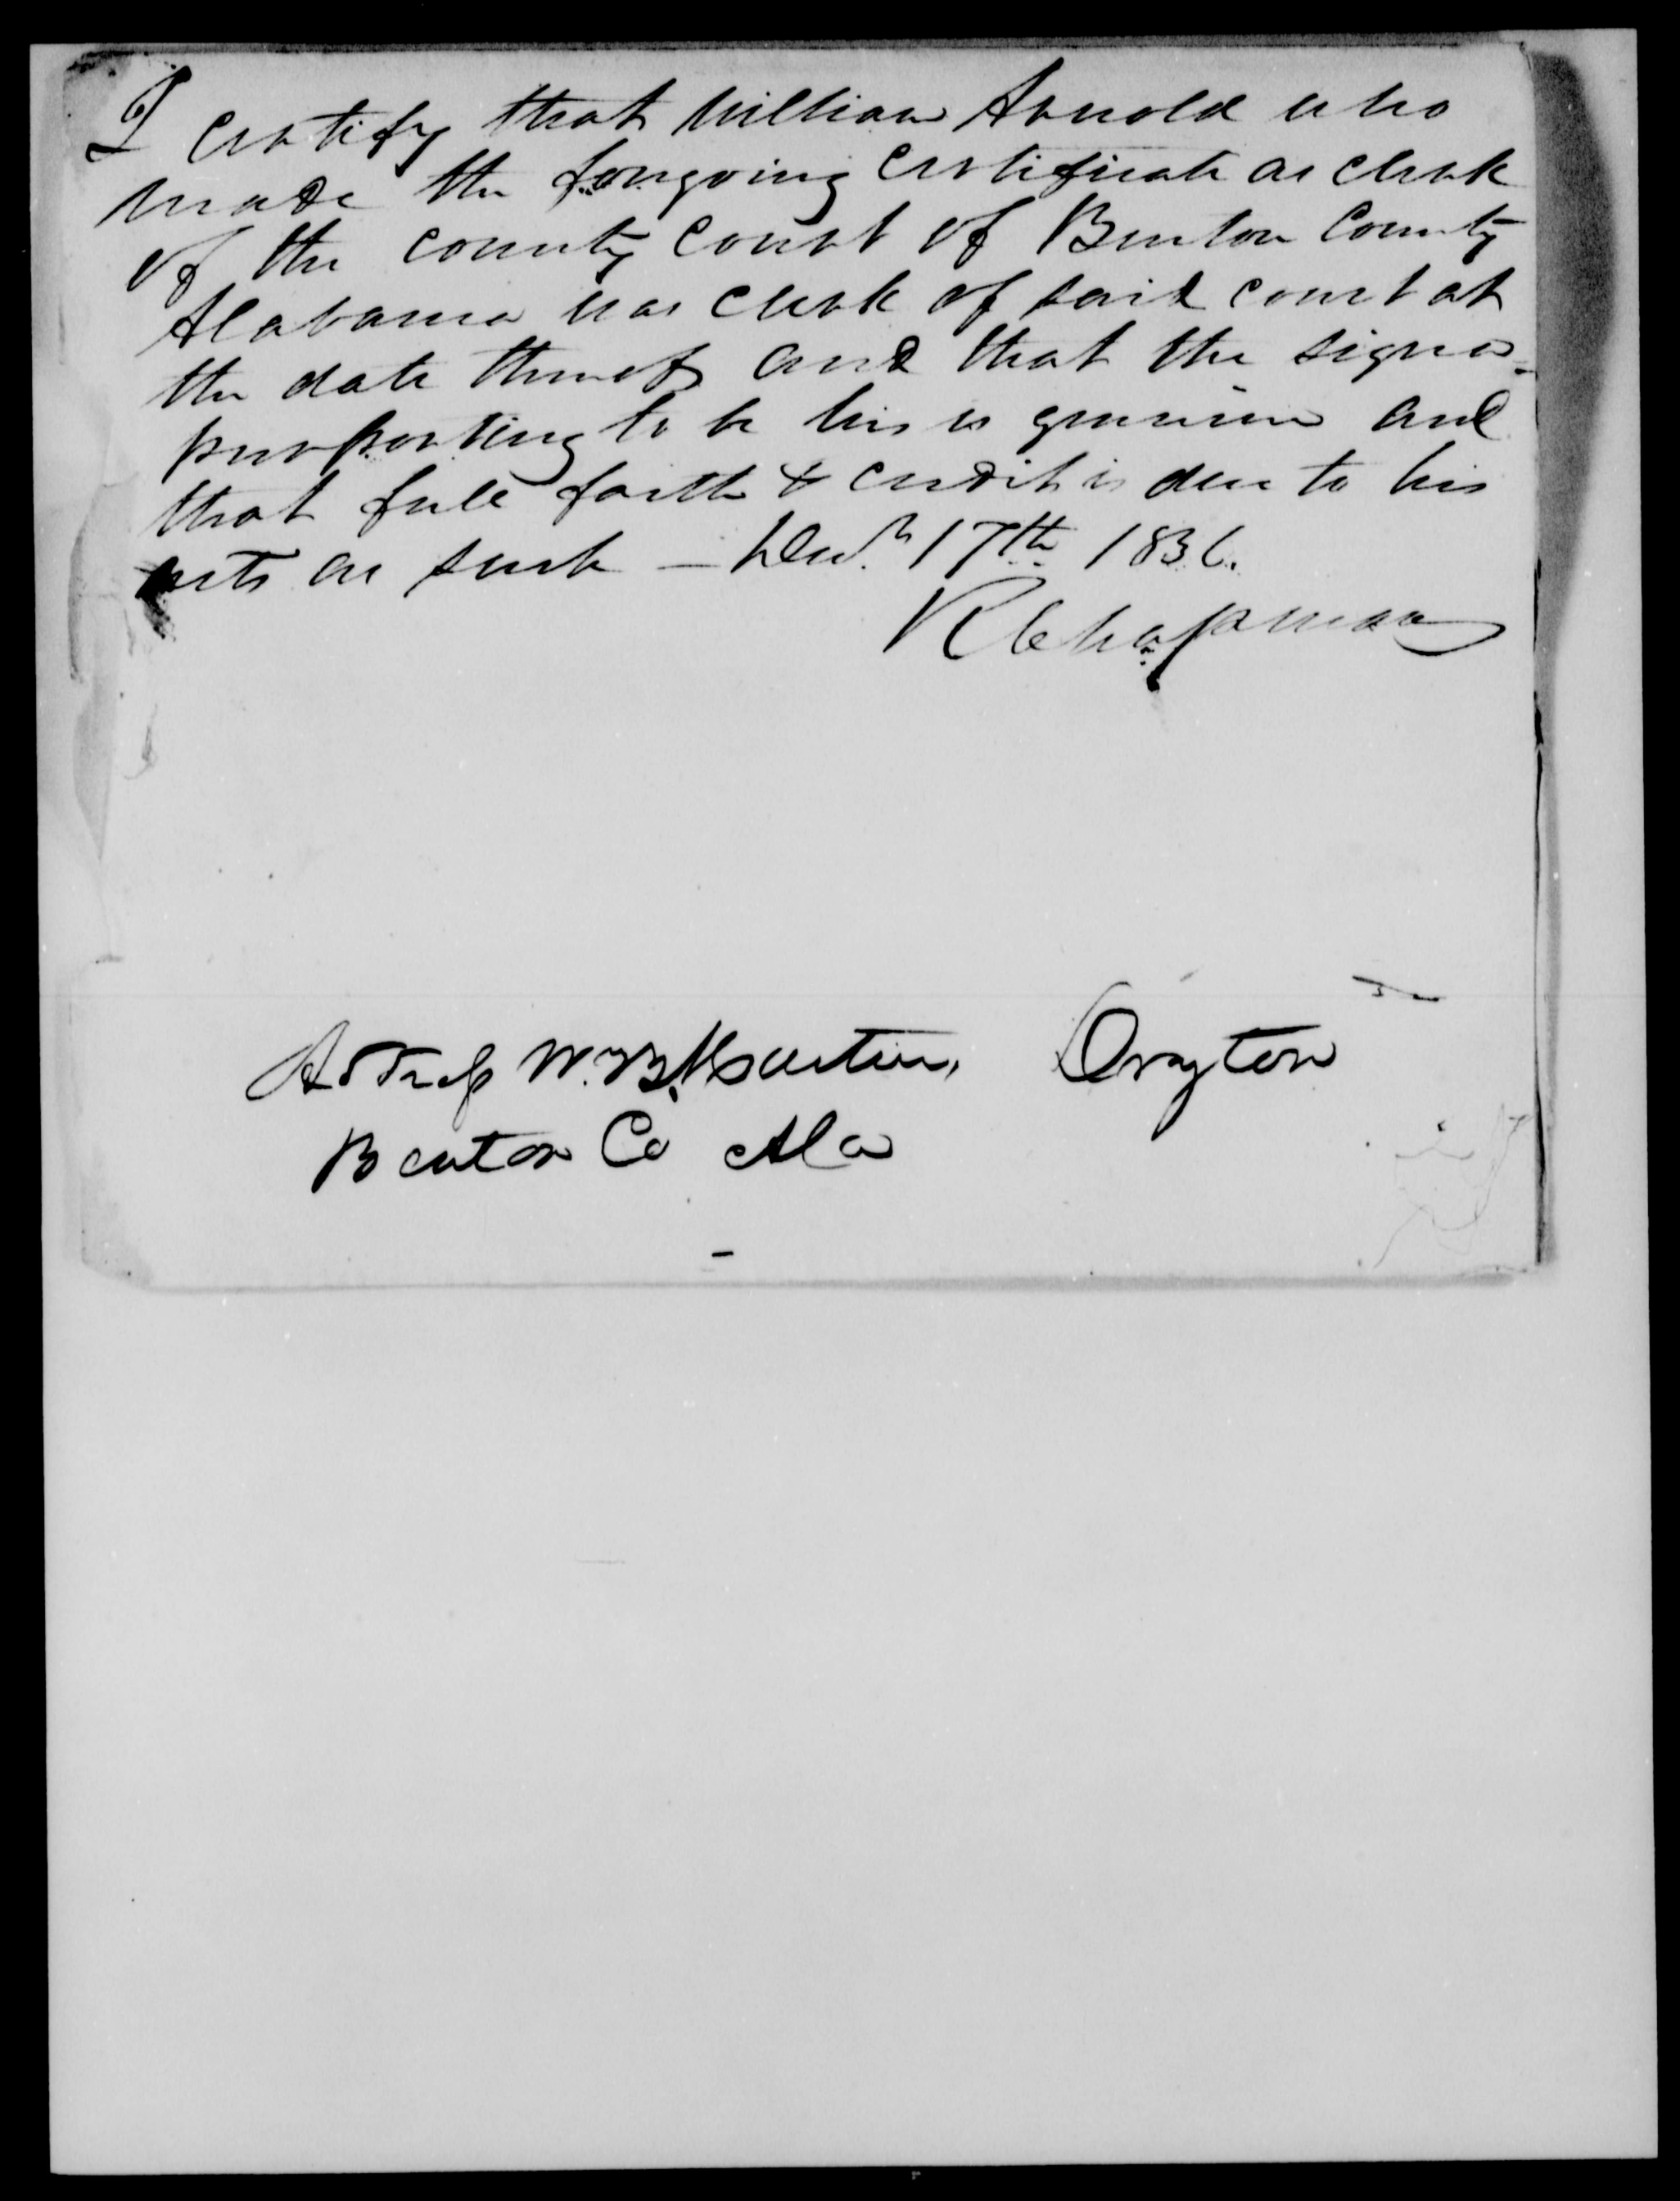I certify that William Arnold who made the foregoing certificate as clerk of the county court of Benton County Alabama was clerk of said court at the date thereof, and that the signa purporting to be his is genuine and that full faith & credit is due to his acts as such -- Decb 17th 1836
    R Chapman

Assess Wm. B. Martin     Drayton
Benton Co Ala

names: R C Wassman; William Arnold; W B Martin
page: 9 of 17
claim: survivor's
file: S. 11401, for James Simpson, South Carolina